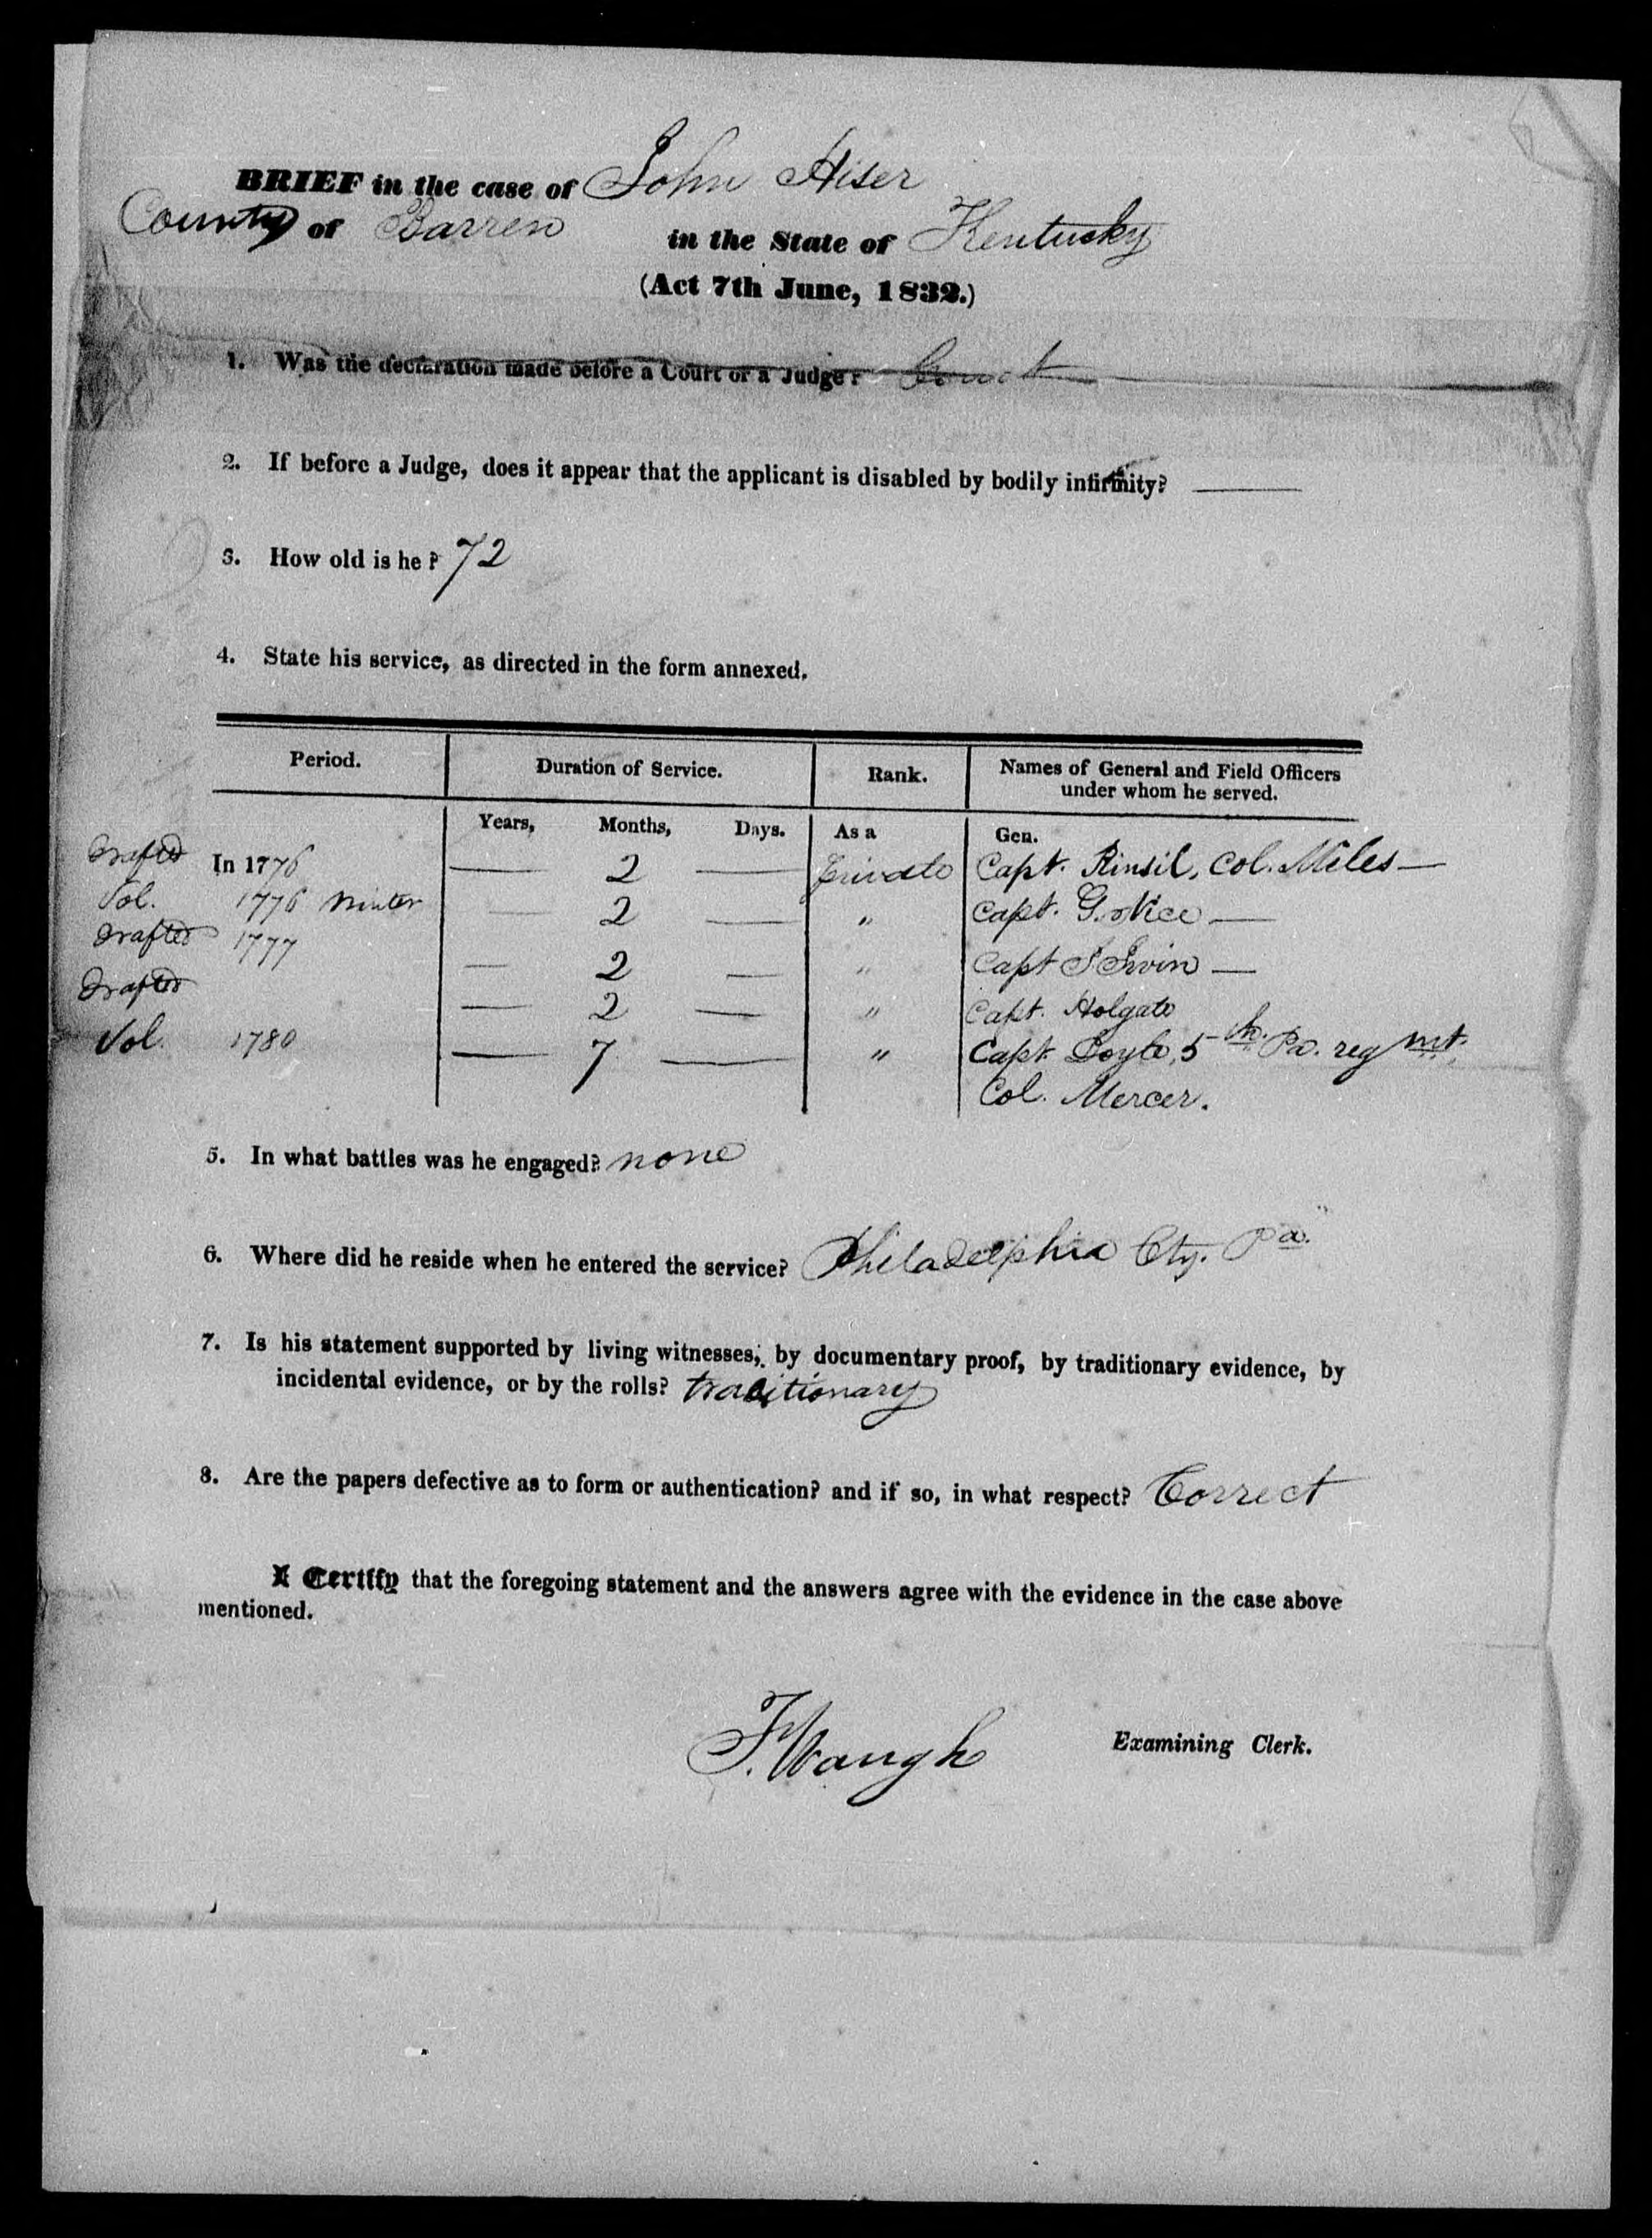Brief in the case of John Hiser
County of Barren in the State of Kentucky 
(Act 7th June 1832.)

1.  Was the declaration made before a Court or a Judge?  Court
2.  If before a Judge, does it appear that the applicant is disabled by bodily infirmity?  ____
3.  How old is he?  72
4.  State his service, as directed in the form annexed.

Period.                  Duration of Service.
                              Years,    Months,    Days
drafted in 1776                      2 
vol. 1776 winter                     2 
drafted 1777                          2  
drafted                                   2 
vol. 1780                                7

Rank.           Names of General and Field 
                    Officers under whom he served. 
As a             Gen.
private        Capt. Rinsil, Col Miles
"                  Capt. G Vice
"                  Capt. S Irvin
"                  Capt. Holgate
"                  Capt. Doyle, 5th Pa. regm't
                    Col. Mercer.

5.  In what battles was he engaged?  none
6.  Where did he reside when he entered the service?  Philadelphia Cty. Pa.
7.  Is his statement supported by living witnesses, by documentary proof, by traditionary evidence, by incidental evidence, or by the rolls?  traditionary
8.  Are the papers defective as to form or authentication?  and if so, in what respect?  Correct

Certify that the foregoing statement and the answers agree with the evidence in the case above mentioned.

                              F. Waugh  Examining Clerk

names: Mercer, F Waugh, John Hiser, Rinsil, G Vice, J Irvin, Miles, Holgate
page: 11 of 58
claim: widow's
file: W. 8932, John Hiser, Penn.